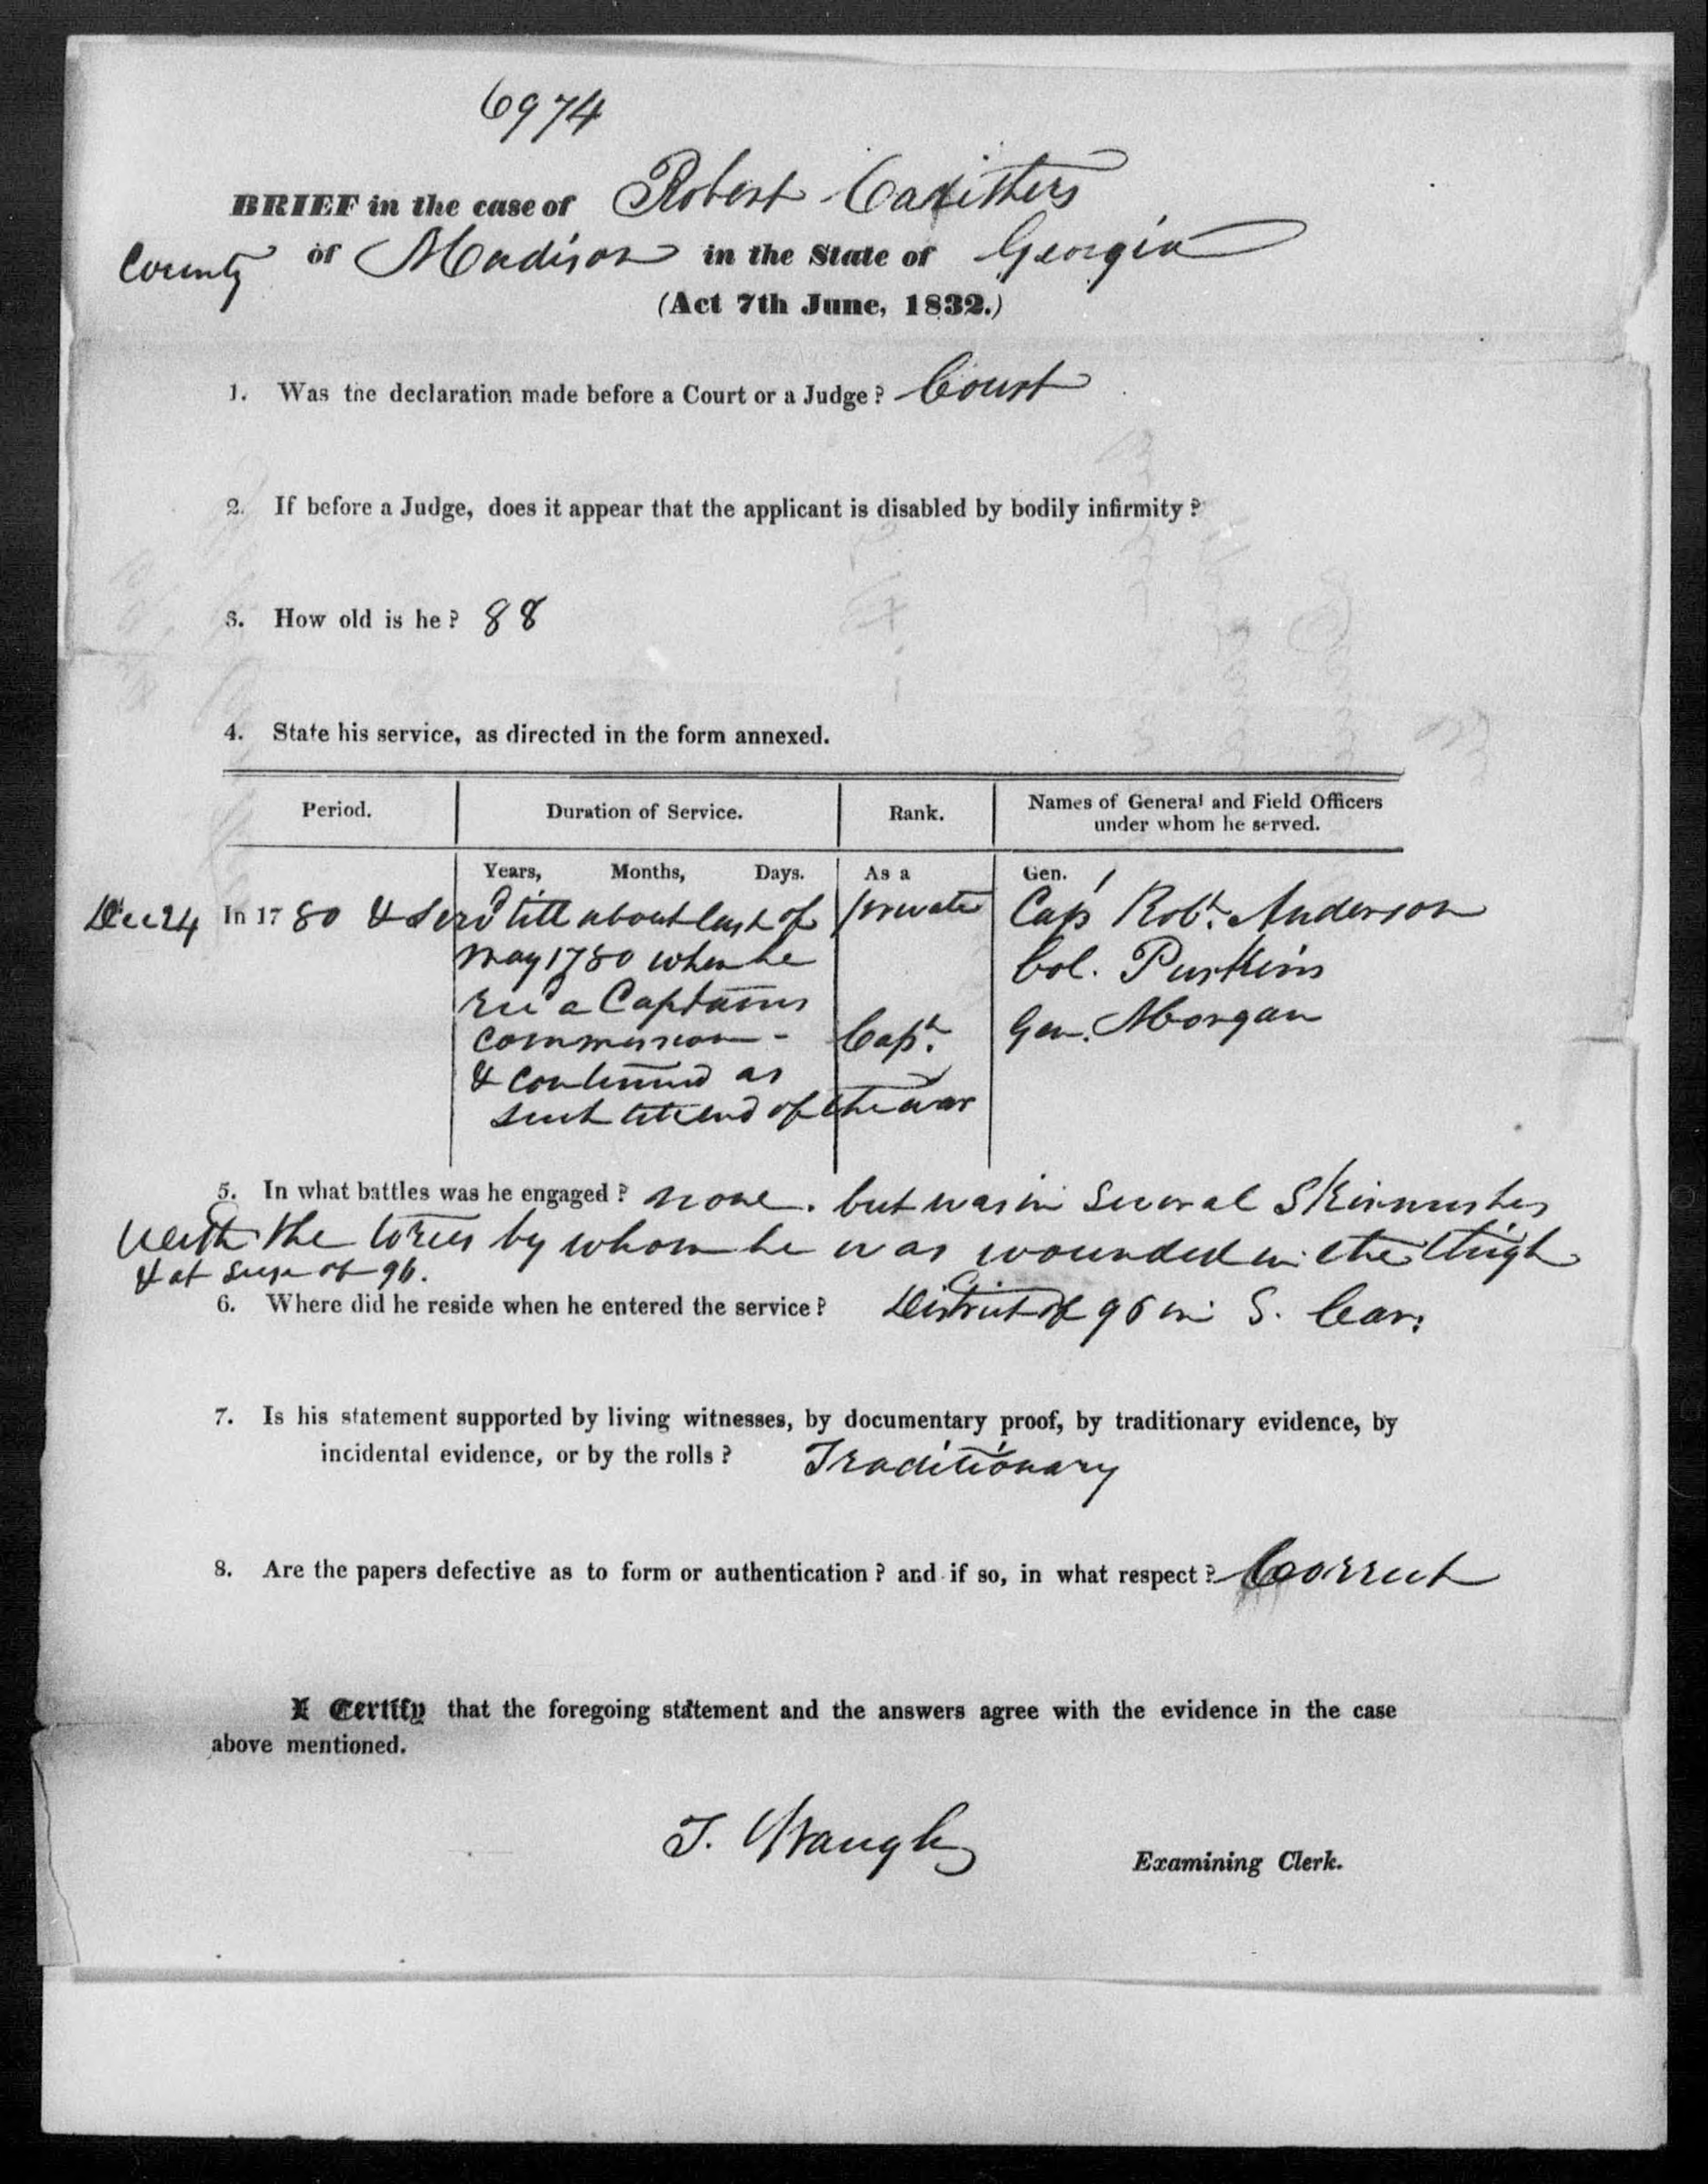6974
BRIEF in the case of Robert Carithers County of Madison in the state of Georgia
(Act 7th June, 1832)
1.  Was the declaration made before a court or a judge? Court
2.  If before a judge, does it appear that the applicant is disabled by bodily infirmity?
3.  How old is he?  88
4.  State his service, as directed in the form annexed.
Period / Duration of Service years, Months, Days. / Rank As a / Names of General and Field officers under whom he served 
Dec 24 In 1780 / servd with about last of May 1780 when he recd a captains commission & continued as such unt end of the war / Private Capt / Cap Robt Anderson Col Puskins Gen Morgan 
5.  In what battles was he engaged? none but was in several skirmishes his with the tories by whom he was wounded in the thigh
& at Seya of 96
6.  Where did he reside when he entered the service? District 96 in S Car
7.  Is his statement supported by living witnesses, by documentary proof, by traditionary evidence, by incidental evidence, or by the rolls? Traditionary
8.  Are the papers defective as to form or authentication? and if so, in what respect? Correct
I Certify that the foregoing statement and the answers agree with the evidence in the case above mentioned. 
T Waugh Examining Clerk.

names: Morgan, Purkins, T Waugh, Robt Anderson, Robert Carithers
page: 8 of 33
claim: widow's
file: W. 23779, Robert Carithers, S.C.